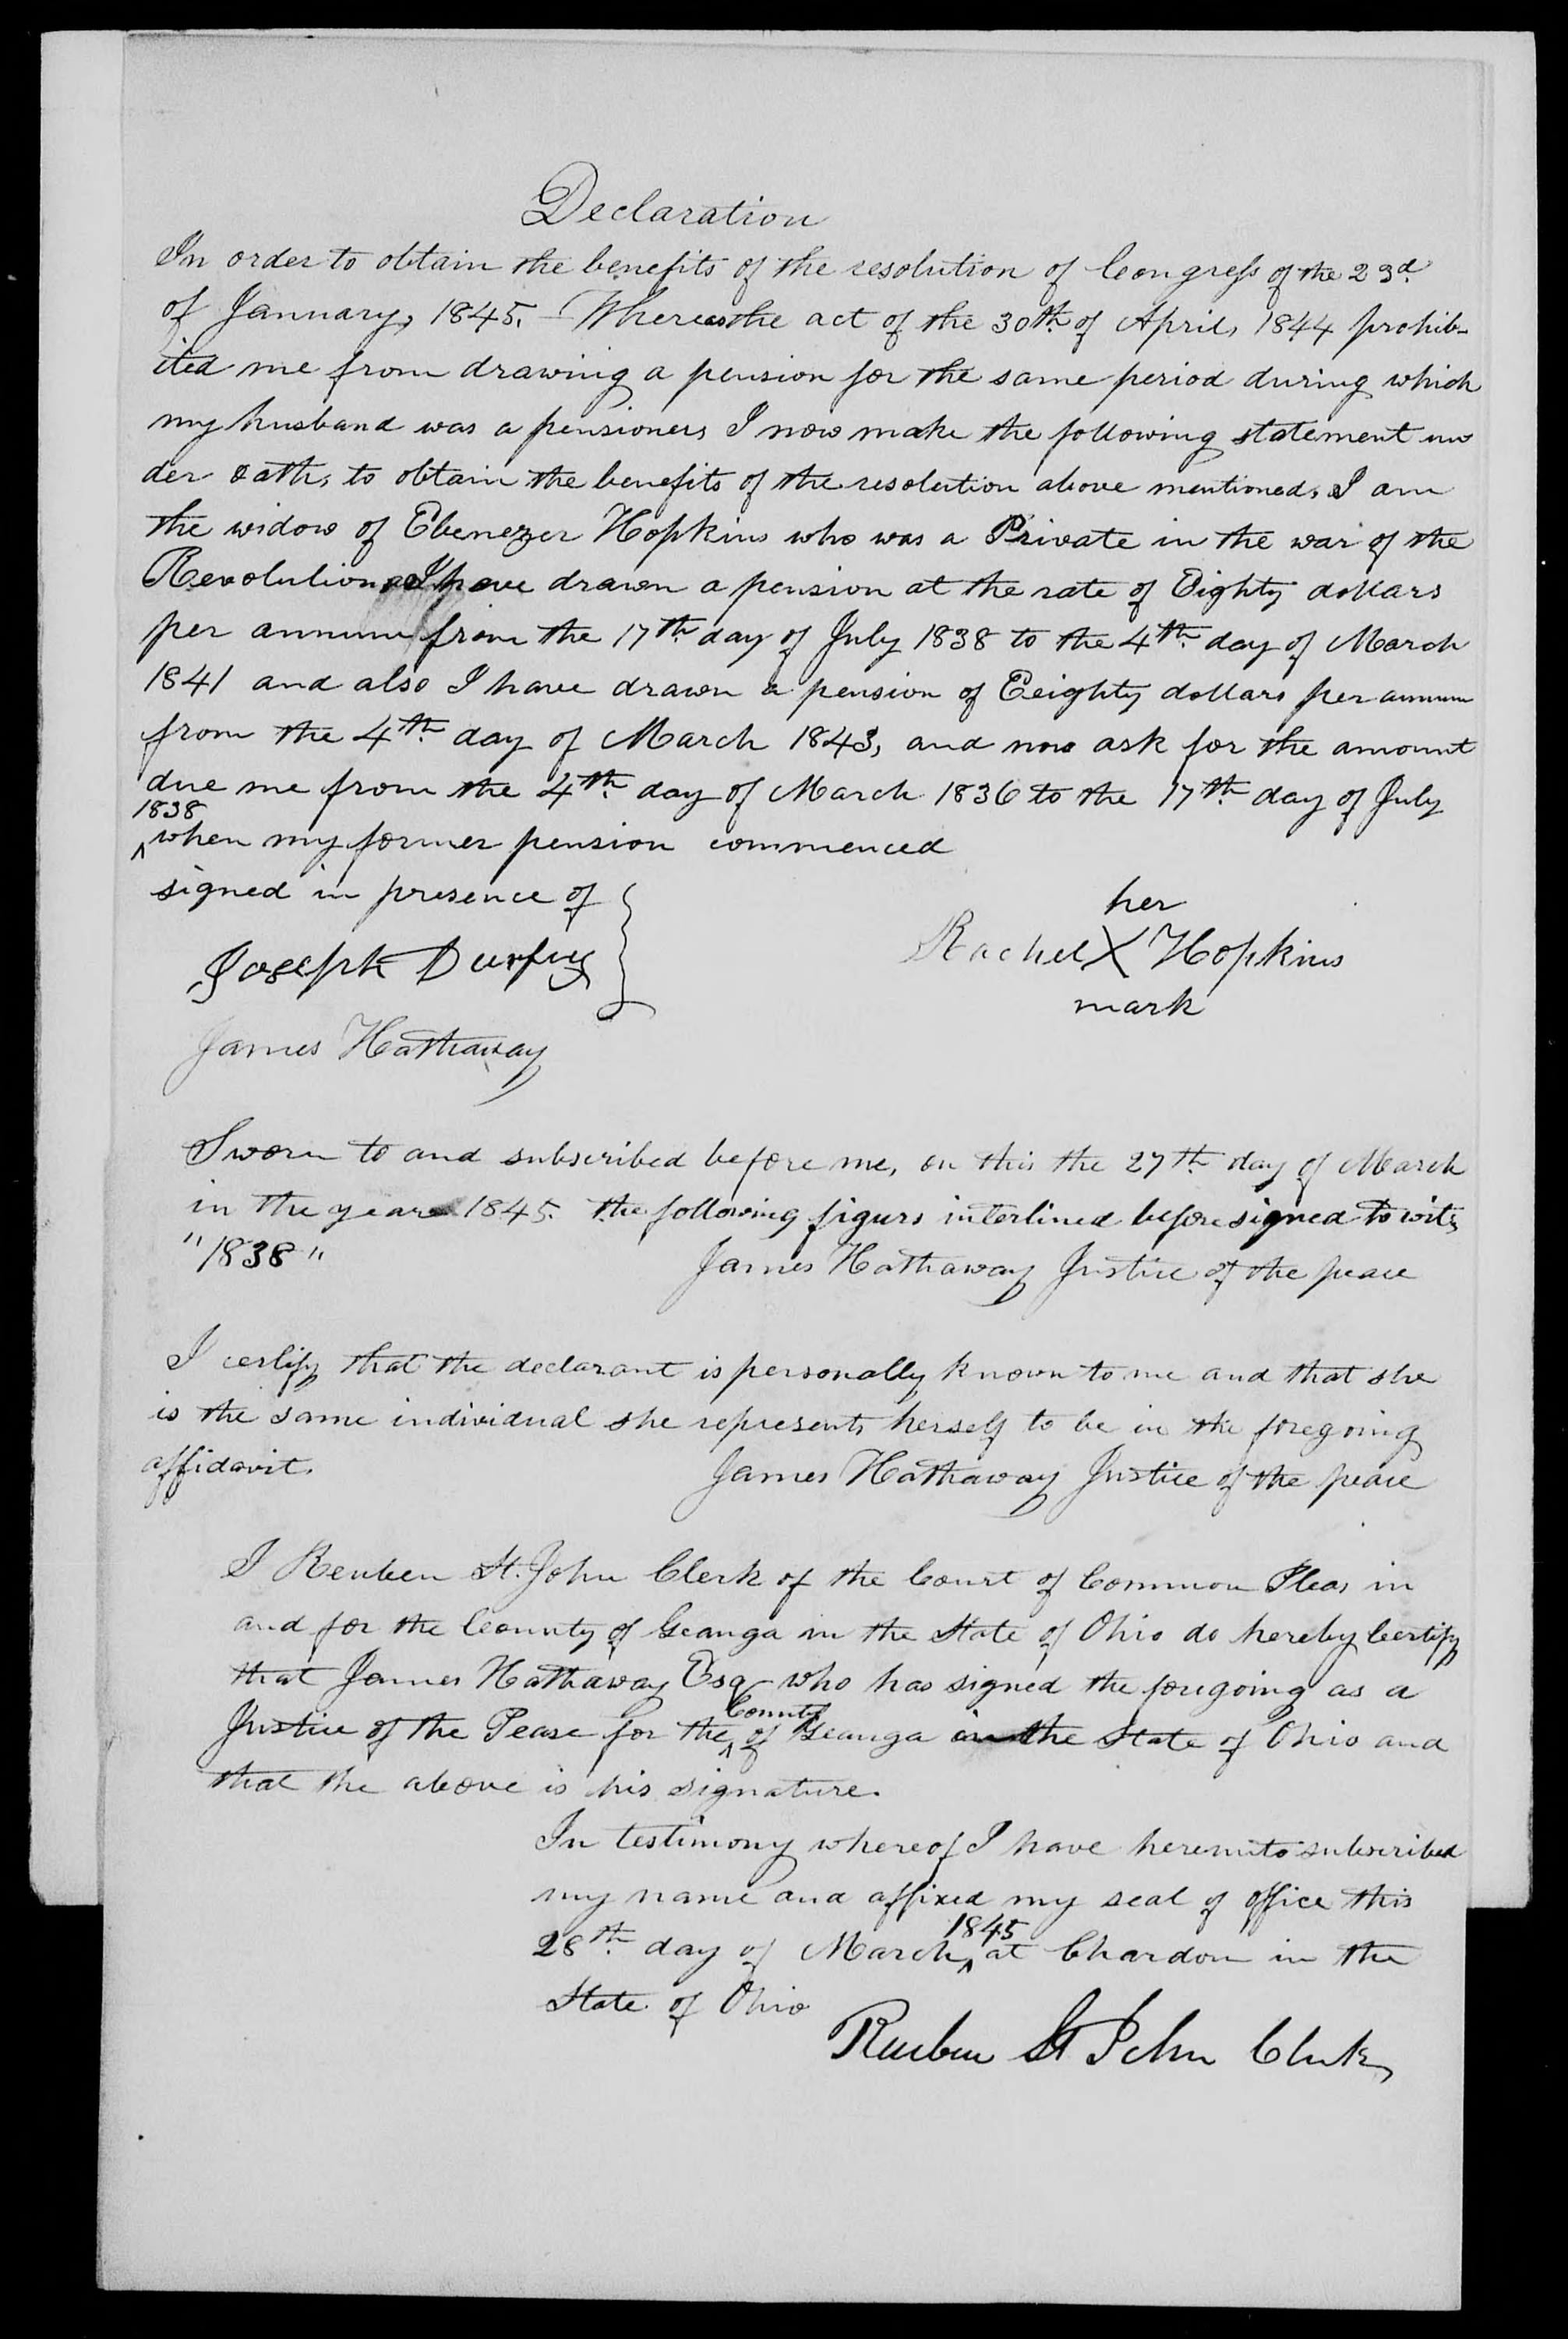Declaration
In order to obtain the benefits of the resolution of Congress of the 23rd of January, 1845, Whereas the act of the 30th of April, 1844 prohibited me from drawing a pension for the same period during which my husband was a pensioners I now make the following statement under oaths to obtain the benefits of the resolution above mentioned, I am the widow of Ebenezer Hopkins who was a Private in the war of the Revolution. I have drawn a pension at the rate of Eighty dollars per annum from the 17th day of July 1838 to the 4th day of March 1841 and also I have drawn a pension of Eighty dollar per annum from the 4th day of March 1843, and now ask for the amount due me from the 4th day of March 1836 to the 17th day of July 1838 when my former pension commenced.
signed in the presence of 
Joseph Durfey
James Hathaway
Rachel her X mark Hopkins
Sworn to and subscribed before me, on this the 27th day of March in the year 1845. The following figure interlined before signed to write "1838" James Hathaway Justice of the peace
I certify that the declarant is personally known to me and that she is the same individual she represents herself to be in the foregoing affidavit. James Hathaway Justice of the peace
I Ruben H. John Clerk of the Court of Common Plea, in and for the County of Geauga in the State of Ohio do hereby testify that James Hathaway Esq. who has signed the foregoing as a Justice of the Pease for the County of Geuaga in the State of Ohio and that the above is his signature.
In testimony whereof I have hereunto subscribed any name and affixed my seal of office this 28th day of March 1845 at Chardon in the State of Ohio. Ruben H John Clerk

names: Joseph Durfey, James Hathaway, Rachel Hopkins, Ebenezer Hopkins, Reuben St John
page: 133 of 144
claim: rejected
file: R. 5208, Dennis Hopkins, N.C.